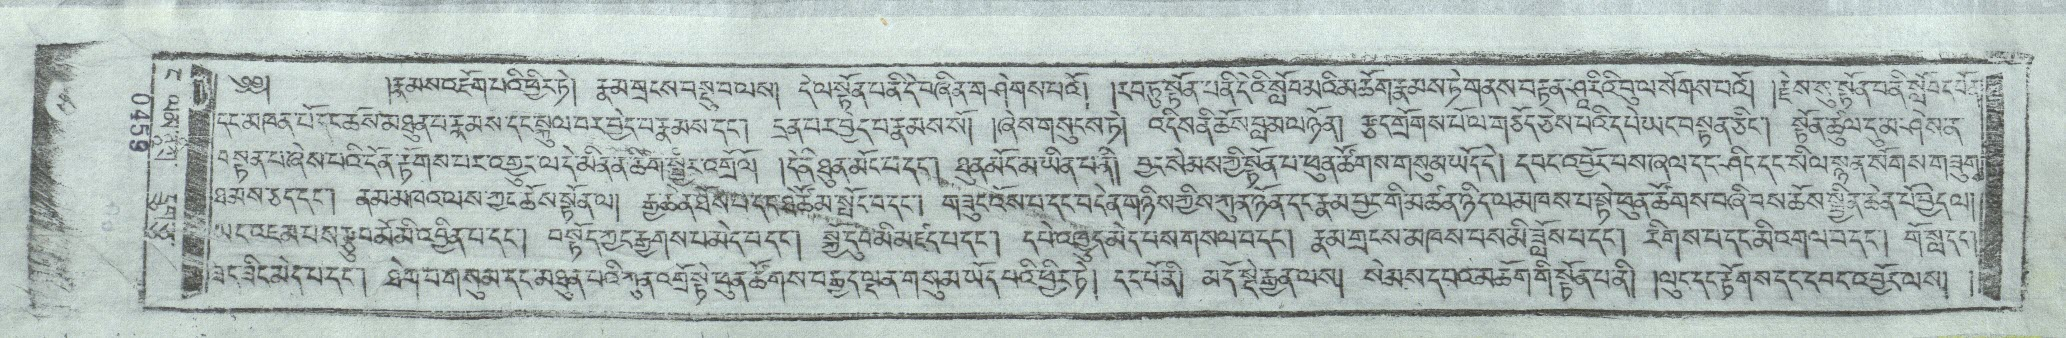༄༅། །རྣམས་འཇོག་པའི་ཕྱིར་ཏེ། རྣམ་གྲངས་བསྡུ་བ་ལས། དེ་ལ་སྟོན་པ་ནི་དེ་བཞིན་གཤེགས་པའོ། །རབ་ཏུ་སྟོན་པ་ནི་དེའི་སློབ་མའི་མཆོག་རྣམས་ཏེ་གནས་བརྟན་ཤཱ་རིའི་བུ་ལ་སོགས་བའོ། །རྗེས་སུ་སྟོན་པ་ནི་སློབ་དཔོན་
དང་མཁན་པོ་དང་ཆོས་མཐུན་པ་རྣམས་དང་སྐུལ་བར་བྱེད་པ་རྣམས་དང་། དྲན་པར་བྱེད་པ་རྣམས་སོ། །ཞེས་གསུངས་ཏེ། འདིས་ནི་ཆོས་བླ་མ་ལ་ཉོན། རྩད་གྲོགས་པོ་ལ་གཅོད་ཅེས་པའི་དཔེ་ཡང་བསྟན་ཅིང་། སྟོན་ཚུལ་དུ་མ་ཤེས་ན་
བསྟན་པ་ཞེས་བའི་དོན་རྟོགས་པར་འགྱུར་ལ་དེ་མིན་ན་ཚིག་སྤྱིར་འགྲོའོ། །དེ་ནི་ཐུན་མོང་བ་དང་། ཐུན་མོང་མ་ཡིན་པ་ནི། བྱང་སེམས་ཀྱི་སྟོན་པ་ཕུན་ཚོགས་གསུམ་ཡོད་དེ། དབང་འབྱོར་པས་ཞལ་དང་ཤིང་དང་སིལ་སྙན་སོགས་གཟུགས་
ཐམས་ཅད་དང་། ནམ་མཁའ་ལས་ཀྱང་ཆོས་སྟོན་ལ། རྒྱ་ཆེན་ཐོས་པ་དང་ཐེ་ཚོམ་སྤོང་བ་དང་། གཟུང་འོས་བ་དང་བདེན་གཉིས་ཀྱིས་ཀུན་ཉོན་དང་རྣམ་བྱང་གི་མཚན་ཉིད་ལ་མཁས་པ་སྟེ་ཕུན་ཚོགས་བཞི་བས་ཆོས་སྦྱིན་ཆེན་པོ་བྱེད་ལ།
ཡང་འཇམ་པས་རྩུབ་མོ་མི་འབྱིན་པ་དང་། བསྟོད་ཀྱང་རྒྱགས་པ་མེད་པ་དང་། སྐྱོ་དུབ་མི་མཛད་བ་དང་། དཔེ་འཁྱུད་མེད་པས་གསལ་བ་དང་། རྣམ་གྲངས་མཁས་པས་མི་ཟློས་པ་དང་། རིགས་པ་དང་མི་འགལ་བ་དང་། གོ་སླ་དང་།
ཟང་ཟིང་མེད་པ་དང་། ཐེག་པ་གསུམ་དང་མཐུན་པའི་ཀུན་འགྲོ་སྟེ་ཕུན་ཚོགས་བརྒྱད་ལྡན་གསུམ་ཡོད་པའི་ཕྱིར་ཏེ། དང་པོ་ནི། མདོ་སྡེ་རྒྱན་ལས། སེམས་དཔའ་མཆོག་གི་སྟོན་པ་ནི། །ལུང་དང་རྟོགས་དང་དབང་འབྱོར་ལས། །